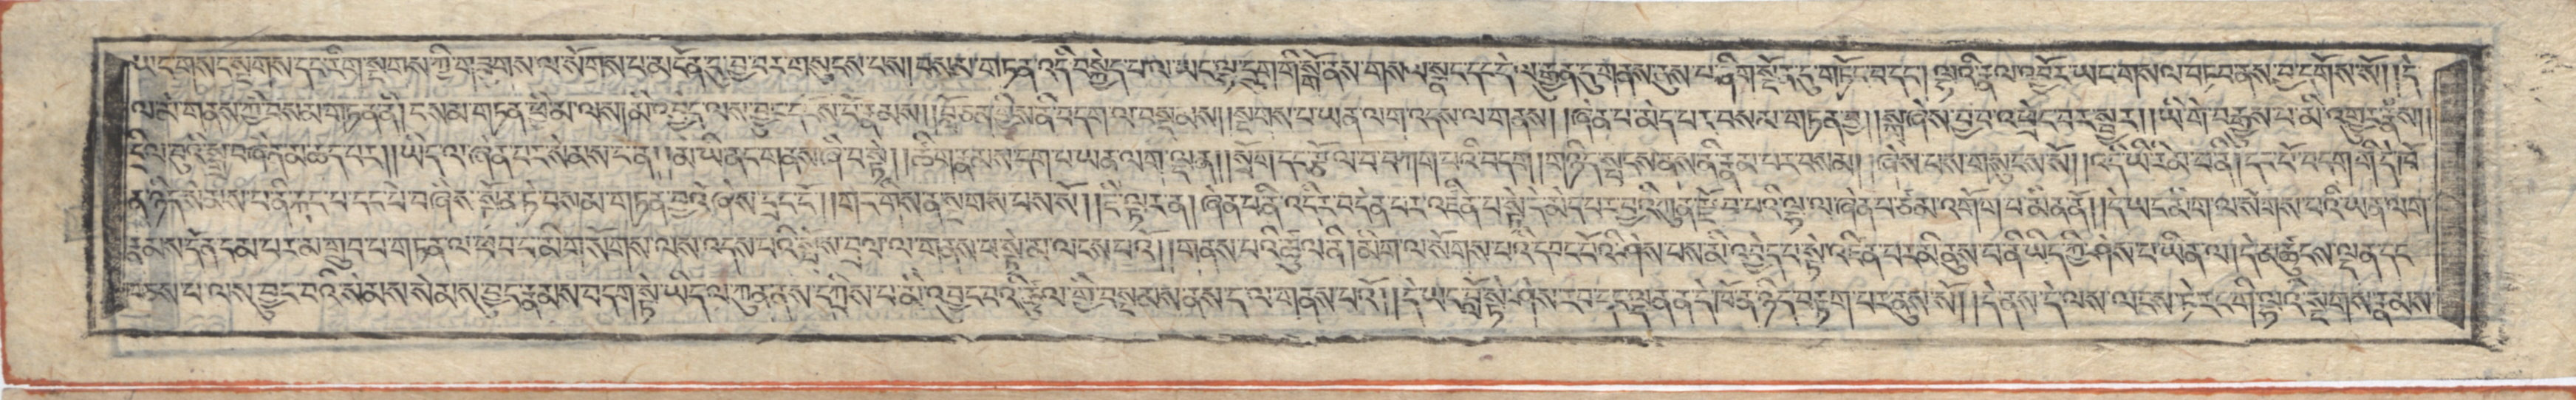ཡང་གསང་སྔགས་དང་རིག་སྔགས་ཀྱི་གཟུགས་ལ་སོགས་པ་མངོན་དུ་བྱ་བར་གསུངས་པས། བསམ་གཏན་འདི་བསྐྱེད་པ་ལ་ཡང་ལྷ་དྲུག་གི་སྒོ་ནས་གསལ་སྣང་དང་དེ་ལ་རྒྱུན་དུ་གནས་ནུས་པ་ཞིག་སྔོན་དུ་གཏོང་བ་དང་། ལྷའི་རྣལ་འབྱོར་ཡང་གསལ་བཏབ་ནས་བྱ་དགོས་སོ། །དེ་
ལ་མེ་གནས་ཀྱི་བསམ་གཏན་ནི། བསམ་གཏན་ཕྱི་མ་ལས། མི་འབྱེད་ལས་བྱུང་དངོས་པོ་རྣམས། །བློ་ཅན་གྱིས་ནི་བདག་ལ་བསྡམས། །སྔགས་པ་ཡན་ལག་འདས་ལ་གནས། །ཞེན་པ་མེད་པར་བསམ་གཏན་བྱ། །སྒྲ་ཞེས་བྱ་བ་འཕྲེང་བར་སྦྱར། །ཡི་གེ་བརྒྱུས་པ་མི་འགྱུར་རྣམས། །
དྲིལ་བུའི་སྒྲ་བཞིན་མ་ཆད་པར། །ཡིད་ལ་ཞེན་པར་སེམས་པ་ན། །མེ་ཡི་ནང་གནས་ཞི་བ་སྟེ། །ཚིག་རྣམས་དག་པ་ཡན་ལག་ལྡན། །སྲོག་དང་རྩོལ་བ་བཀག་པའི་བདག །གཉིད་སྤངས་ནས་ནི་རྣམ་པར་བསམ། །ཞེས་པས་གསུངས་སོ། །འདི་ཡི་རིམ་པ་ནི། དང་པོ་བདག་གི་དེ་ཁོ་
ན་ཉིད་སེམས་པ་ནི་རྐང་པ་དང་པོ་བཞིས་སྟོན་ཏེ་བསམ་གཏན་བྱའོ་ཞེས་དྲང་ངོ། །གང་གིས་ན་སྔགས་པས་སོ། །ཇི་ལྟར་ན། ཞེན་པ་ནི་འདིར་བདེན་པར་འཛིན་པ་སྟེ་དེ་མེད་པར་བྱའི་ཀུན་རྫོབ་པའི་ལྷ་ལ་ཞེན་པ་ཙམ་འགོག་པ་མིན་ནོ། །དེ་ཡང་མིག་ལ་སོགས་པའི་ཡན་ལག་
རྣམས་དོན་དམ་པར་མ་གྲུབ་པ་གཏན་ལ་ཕབ་པ་མིག་སོགས་ལས་འདས་པའི་སྤོས་བྲལ་ལ་གནས་པ་སྟེ་མ་ལངས་པའོ། །གནས་པའི་ཚུལ་ནི། མིག་ལ་སོགས་པའི་དབང་པོའི་ཤེས་པས་མི་འབྱེད་པ་སྟེ་འཛིན་པར་མི་ནུས་པ་ནི་ཡིད་ཀྱི་ཤེས་པ་ཡིན་ལ། དེ་མཚུངས་ལྡན་དང་
བཅས་པ་ལས་བྱུང་བའི་སེམས་སེམས་བྱུང་རྣམས་བདག་སྟེ་ཡིད་ལ་ཀུན་ནས་དཀྲིས་པ་མི་འབྱུང་བའི་ཚུལ་གྱི་བསྔམས་ནས་དེ་ལ་གནས་པའོ། །དེ་ཡང་བློ་སྟེ་ཤེས་རབ་དང་ལྡན་ན་དེ་ཁོ་ན་ཉིད་བརྟག་པར་ནུས་སོ། །དེ་ནས་དེ་ལས་ལངས་ཏེ་རང་གི་ལྷའི་སྔགས་རྣམས་